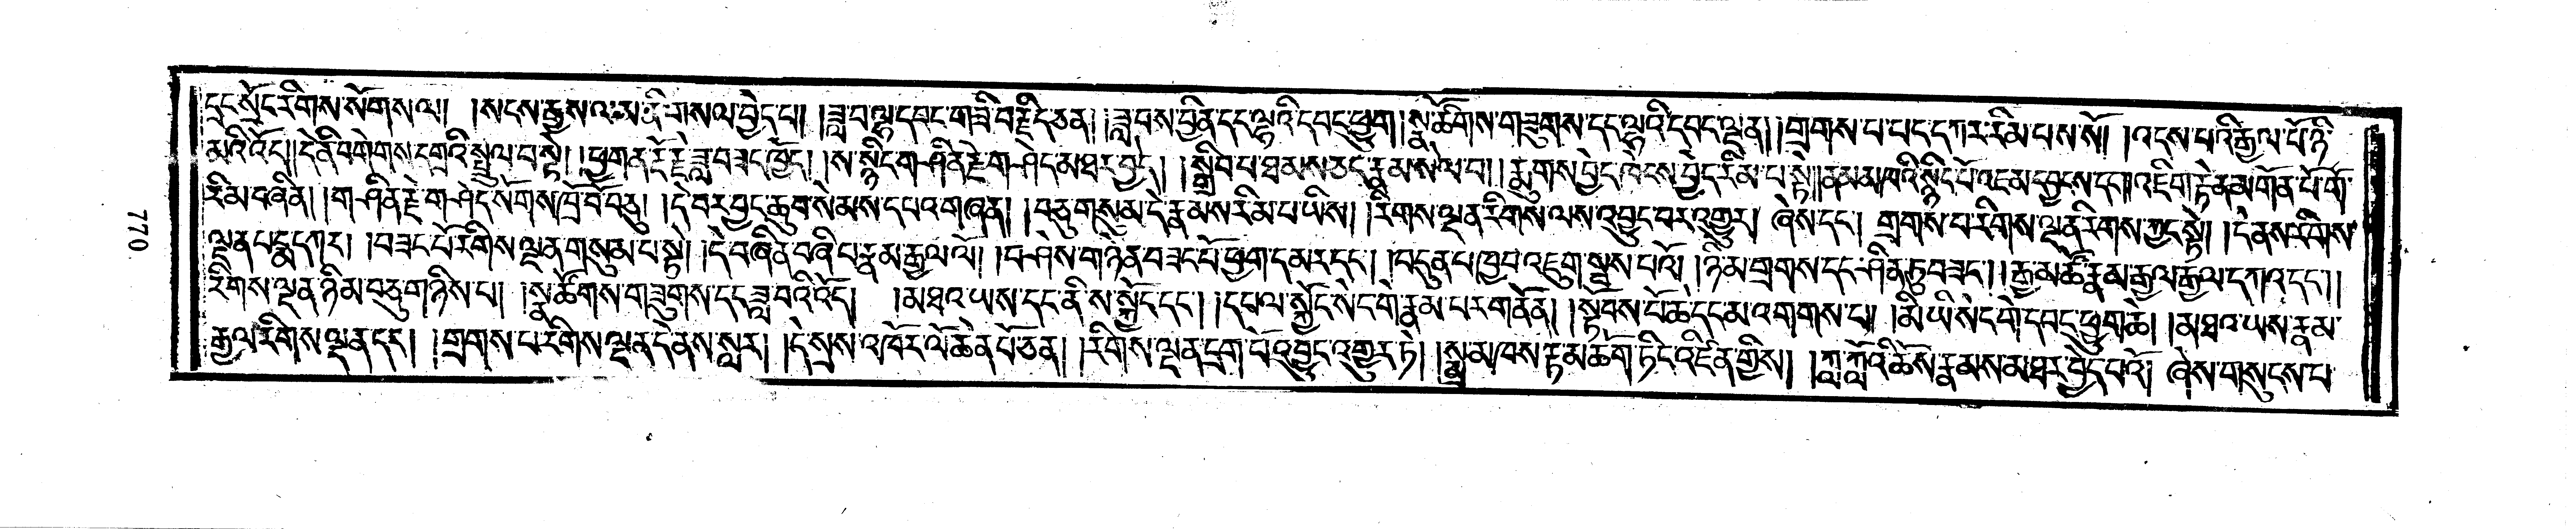དྲང་སྲོང་རིགས་སོགས་ལ། །སངས་རྒྱས་ལམ་ནི་གསལ་བྱེད་པ། །ཟླ་བ་ལྷ་དབང་གཟི་བརྗིད་ཅན། །ཟླ་བས་བྱིན་དང་ལྷའི་དབང་ཕྱུག། སྣ་ཚོགས་གཟུགས་དང་ལྷའི་དབང་ལྡན། །གྲགས་པ་པད་དཀར་རིམ་པས་སོ། །འདས་པའི་རྒྱལ་པོ་ཉི་
མའི་འོད། །དེ་ནི་བགེགས་དགྲའི་སྤྲུལ་བ་སྟེ། །ཕྱག་ན་རྡོ་རྗེ་ཟླ་བཟང་ཁྱོད། །ས་སྙིང་གཤིན་རྗེ་གཤེད་མཐར་བྱེད། །སྒྲིབ་པ་ཐམས་ཅད་རྣམས་སེལ་བ། །རྨུགས་བྱེད་ཁེངས་བྱེད་རིམ་པ་སྟེ། །ནམ་མཁའི་སྙིང་པོ་འཇམ་དབྱངས་དང་། །འཇིག་རྟེན་མགོན་པོ་གོ་
རིམ་བཞིན། །གཤིན་རྗེ་གཤེད་སོགས་ཁྲོ་བོ་བཅུ། །དེ་བར་བྱང་ཆུབ་སེམས་དཔའ་གཞན། །བཅུ་གསུམ་དེ་རྣམས་རིམ་པ་ཡིས། །རིགས་ལྡན་རིགས་ལས་འབྱུང་བར་འགྱུར། ཞེས་དང་། གྲགས་པ་རིགས་ལྡན་རིགས་ཀྱང་སྟེ། །དེ་ནས་རིགས་
ལྡན་པདམ་དཀར། །བཟང་པོ་རིགས་ལྔན་གསུམ་པ་སྟེ། །དེ་བཞིན་བཞི་པ་རྣམ་རྒྱལ་ལོ། །བཤེས་གཉེན་བཟང་པོ་ཕྱག་དམར་དང་། །བདུན་པ་ཁྱབ་འཇུག་སྦས་པའོ། །ཉི་མ་གྲགས་དང་ཤིན་ཏུ་བཟང་། །རྒྱ་མཚོ་རྣམ་རྒྱལ་རྒྱལ་དཀའ་དང་། །
རིགས་ལྡན་ཉིམ་བཅུ་གཉིས་པ། །སྣ་ཚོགས་གཟུགས་དང་ཟླ་བའི་འོད། །མཐའ་ཡས་དང་ནི་ས་སྐྱོང་དང་། །དཔལ་སྐྱོང་སེང་གེ་རྣམ་པར་གནོན། །སྟོབས་པོ་ཆེ་དད་མ་འགགས་པ། །མི་ཡི་སེང་གེ་དབང་ཕྱུག་ཆེ། །མཐའ་ཡས་རྣམ་
རྒྱལ་རིགས་ལྡན་དང་། །གྲགས་པ་རིགས་ལྡན་དེ་ནས་སླར། །དེ་སྲས་འཁོར་ལོ་ཆེན་པོ་ཅན། །རིགས་ལྡན་དྲག་པོ་འབྱུང་འགྱུར་ཏེ། །སྨྲ་མཁས་རྟ་མཆོག་ཏིང་འཛིན་གྱིས། །ཀླ་ཀློའི་ཆོས་རྣམས་མཐར་བྱེད་བའོ། །ཞེས་གསུངས་པ་